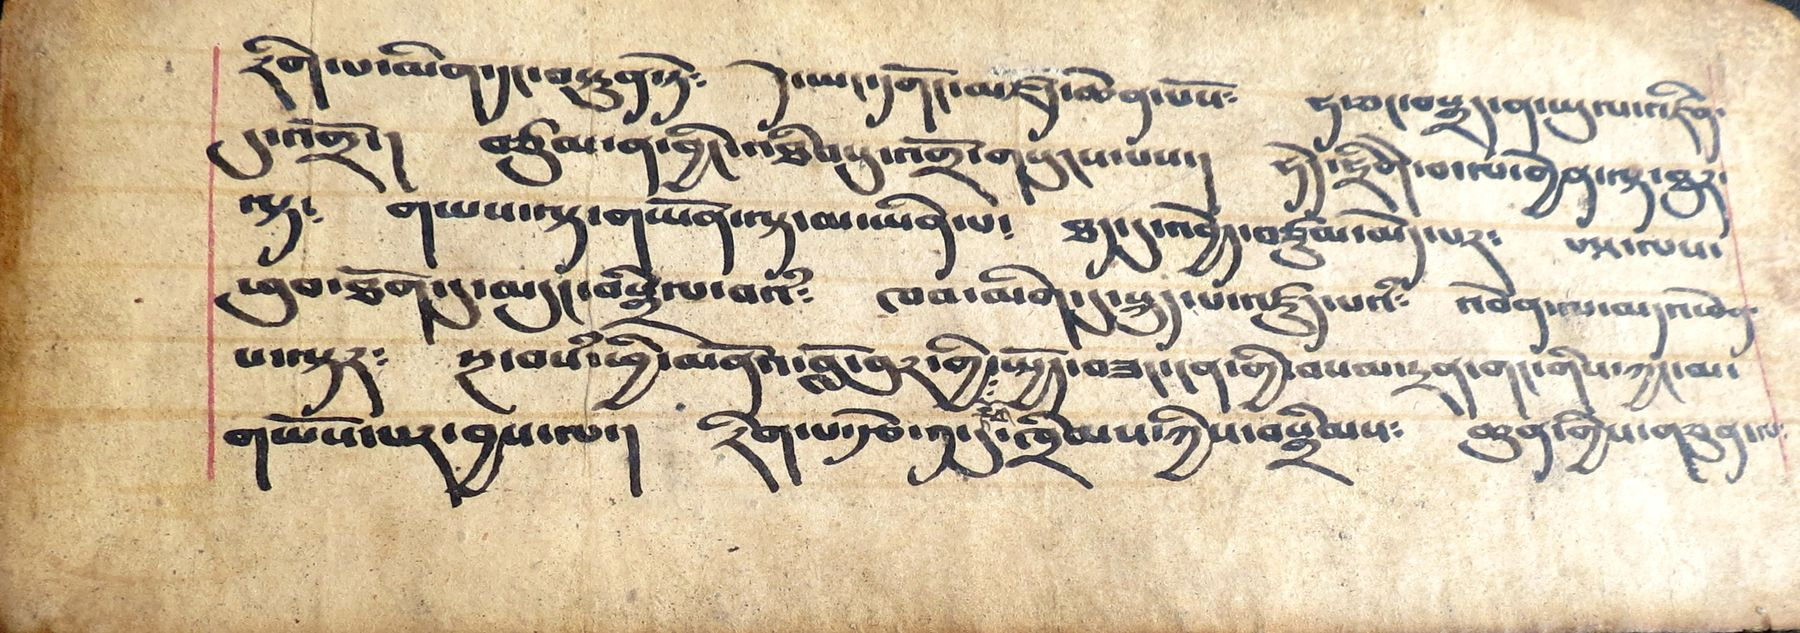རིག་པ་མིག་དང་བསྟུན་ཏེ། དེ་ཡང་དགོངས་མཛད་ཆེན་པོས། ཧ་ཅང་བསྒྲད་ན་ཡུལ་འཛིན་
དུ་འགྲོ། བཙུམས་ན་བྱིངས་འཐིབས་སུ་འགྲོ་གསུངས་པས། ཧད་དེ་ཧྲིག་གེ་བ་ལ་གྱེན་ལྟ་ཐུར་
ལྟ། གཡས་ལྟ་གཡོན་ལྟ་མ་ཡིན་པ། ཐད་དུ་འབྱེད་བཙུམ་མེད་པར། ཨ་ལ། 
ཕུབ་ཐོག་ཏུ་མདུང་སྒྲིལ་བའམ། ཁབ་མིག་ཏུ་སྐུད་པ་འཛུད་པའམ། འབེན་ལ་མདའ་འཕེན་
པ་ལྟར། སྔ་བསམ་ཕྱིས་མནོ། གློ་བུར་གྱི་རྟོག་དཔྱོད་བཟང་ངན་གྱི་བསམ་དྲན་གང་གིས་ཀྱང་མ་
གཡོས་པར་བྱ་ལ། རིག་པ་རྩེ་གཅིག་ཏུ་ཁྲིམས་ཀྱིས་སྒྲིམས། ཆུན་གྱིས་གཅུན་ལ།